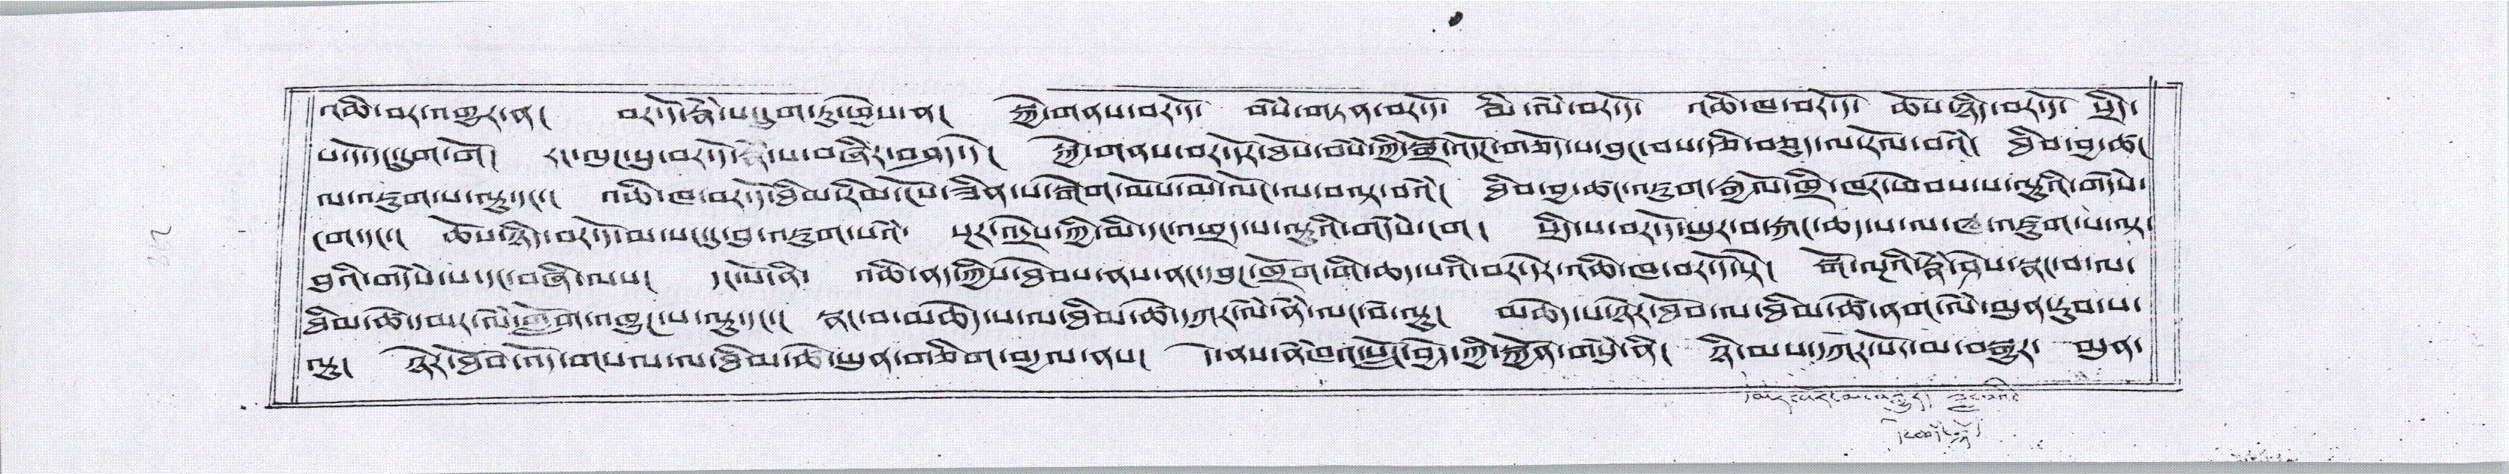འཆི་བར་འགྱུར་ན། བར་དོ་རྣམ་པ་དྲུག་ཏུ་ཕྱེས་ན། སྐྱེ་གནས་བར་དོ། བསམ་གཏན་བར་དོ། རྨི་ལམ་བར་དོ། འཆི་ཁ་བར་དོ། ཆོས་ཉིད་བར་དོ། སྲིད་
པ་དོ་དང་དྲུག་གོ། རང་ལུགས་སུ་བར་དོ་རྣམ་པ་བཞིར་བཤད་དེ། སྐྱེ་གནས་བར་དོར་ཐོས་བསམ་གྱི་སྒྲོ་འདོགས་གཅོད་པ་བུང་བས་རྩི་བཅུད་ལ་རོལ་བའམ། ཐིབ་བྱ་ཚང་
ལ་འཇུག་པ་ལྟ་བུ་དང། འཆི་ཁ་བར་དོ་ཐིམ་རིམ་ངོས་ཟིན་པ་སྒེག་མོས་མེ་ལོང་ལ་བལྟ་བའམ། ཐིབ་བྱ་ཚང་འཇུག་རྒྱལ་མོ་ཁྲི་ཁར་ཕེབས་པ་ལྟ་བུའི་གདམས་
ངག་དང། ཆོས་ཉིད་བར་དོ་མ་སང་དུ་བུ་འཇུག་པའམ། སྔར་འདྲེས་ཀྱི་མི་དང་འཕྲད་པ་ལྟ་བུའི་གདམས་ངག། སྲིད་པ་བར་དོ་ཡུར་བ་རྐང་ཆད་པ་ལ་ཝ་འཛུག་པ་ལྟ་
བུའི་གདམས་པ་དང་བཞི་ལས། དང་པོ་ནི། འཆི་ནད་ཀྱིས་ཐེབས་ནས་ནང་དབུགས་ཁྲོག་གི་ཆད་པའི་བར་དེར་འཆི་ཁ་བར་དོ་སྟེ། སྒོ་ལྔའི་རྣམ་ཤེས་སྣང་བ་ལ་
ཐིམ་ཚེ་དམར་ལམ་གློག་འཁྱུགས་པ་ལྟ་བུ་དང། སྣང་བ་མཆེད་པ་ལ་ཐིམ་ཚེ་དཀར་ལམ་ནམ་ལང་བ་ལྟ་བུ། མཆེད་པ་ཉེར་ཐོབ་ལ་ཐིམ་ཚེ་ནག་ལམ་མུན་རུབ་པ་
ལྟ་བུ། ཉེར་ཐོབ་འོད་གསལ་ལ་ཐིམ་ཚེ་ཡུན་གཅིག་བརྒྱལ་ནས། དེ་ནས་ནམ་མཁའ་སློང་བྱེད་ཀྱི་སྐྱོན་གསུམ་ནི། ཉི་མས་དམར་སེར་མ་བསྒྱུར། ཟླ་བའི་དཀར་པོར་མ་བསྒྱུར། མུན་